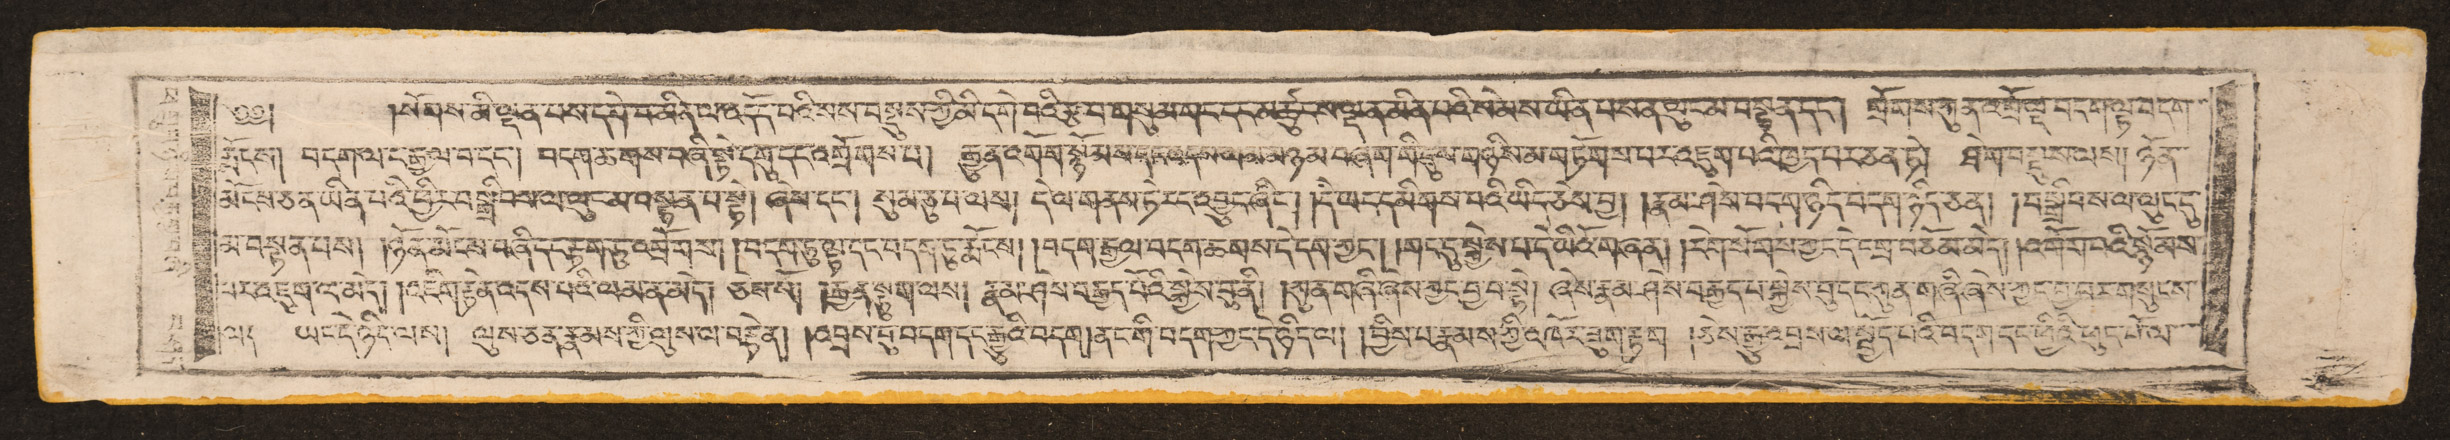༄༅། །སོགས་མི་ལྡན་བས་དགེ་བ་མིན་ལ་འདོད་པའི་སས་བསྡུས་ཀྱི་མི་དགེ་པའི་རྩ་བ་གསུམ་གང་དང་མཚུངས་ལྡན་མིན་པའི་སེམས་ཡིན་པས་བ་ལུང་མ་བསྟན་དང་། གྲོགས་ཀུན་འགྲོ་ལྔ་བདག་
ལྟ་བདག་རྨོངས། བདག་ལ་ང་རྒྱལ་བ་དང་། བདག་ཆགས་བཞི་སྟེ་དགུ་དང་འགྲོགས་པ། རྒྱུན་འགོག་སྙོམས་དང་འདས་ལམ་མཉམ་བཞག་གི་དུས་གཉིས་མ་གཏོགས་པར་འཇུག་པའི་ཁྱད་པར་ཅན་ཏེ། ཐེག་བསྡུས་ལས།
ཉོན་མོངས་ཅན་ཡིན་པའི་ཕྱིར་བསྒྲིབས་ལ་ལུང་མ་བསྟན་པ་སྟེ། ཞེས་དང་། སུམ་ཅུ་པ་ལས། དེ་ལ་གནས་ཏེ་རང་འབྱུང་ཞིང་། །དེ་ཡང་དམིགས་པའི་ཡིད་ཅེས་བྱ། །རྣམ་ཤེས་བདག་ཉིད་བདག་ཉིད་ཅན། །བསྒྲིབས་ལ་ལུང་དུ་
མ་བསྟན་པས། ཉོན་མོངས་བཞི་དང་རྟག་ཏུ་འགྲོགས། །བདག་ཏུ་ལྟ་དང་བདག་ཏུ་རྨོངས། །བདག་རྒྱལ་བདག་ཆགས་དེ་དག་ཀྱང་། །གང་དུ་སྐྱེས་པ་དེ་ཡིའོ་གཞན། །ངག་?་སོགས་ཀྱང་དེ་དགྲ་བཅོམ་མེད། འགོག་པའི་སྙོམས་
པར་འཇུག་ལ་མེད། །འཇིག་རྟེན་འདས་པའི་ལམ་ན་མེད། ཅེས་སོ། །རྒྱན་སྟུག་ལས། རྣམ་ཤེས་བརྒྱད་པོའི་སྐྱེས་བུ་ནི། །ཀུན་གཞི་ཞེས་ཀྱང་བྱ་བ་སྟེ། ཞེས་རྣམ་ཤེས་བརྒྱད་པ་སྐྱེས་བུ་དང་ཀུན་གཞི་ཞེས་ཀྱང་བྱ་བར་གསུངས་
ལ། ཡང་དེ་ཉིད་ལས། ལུས་ཅན་རྣམས་ཀྱི་ལུས་ལ་བརྟེན། འབྲས་བུ་བདག་དང་རྒྱུའི་བདག །ནང་གི་བདག་ཀྱང་དེ་ཉིད་ལ། །བྱིས་པ་རྣམས་ཀྱི་འཁོར་ཟུག་རྟག །ཅེས་རྒྱུ་འབྲས་ལ་སྤྱོད་པའི་བདག་དང་ཕྱིའི་ཕུང་པོ་ལ་